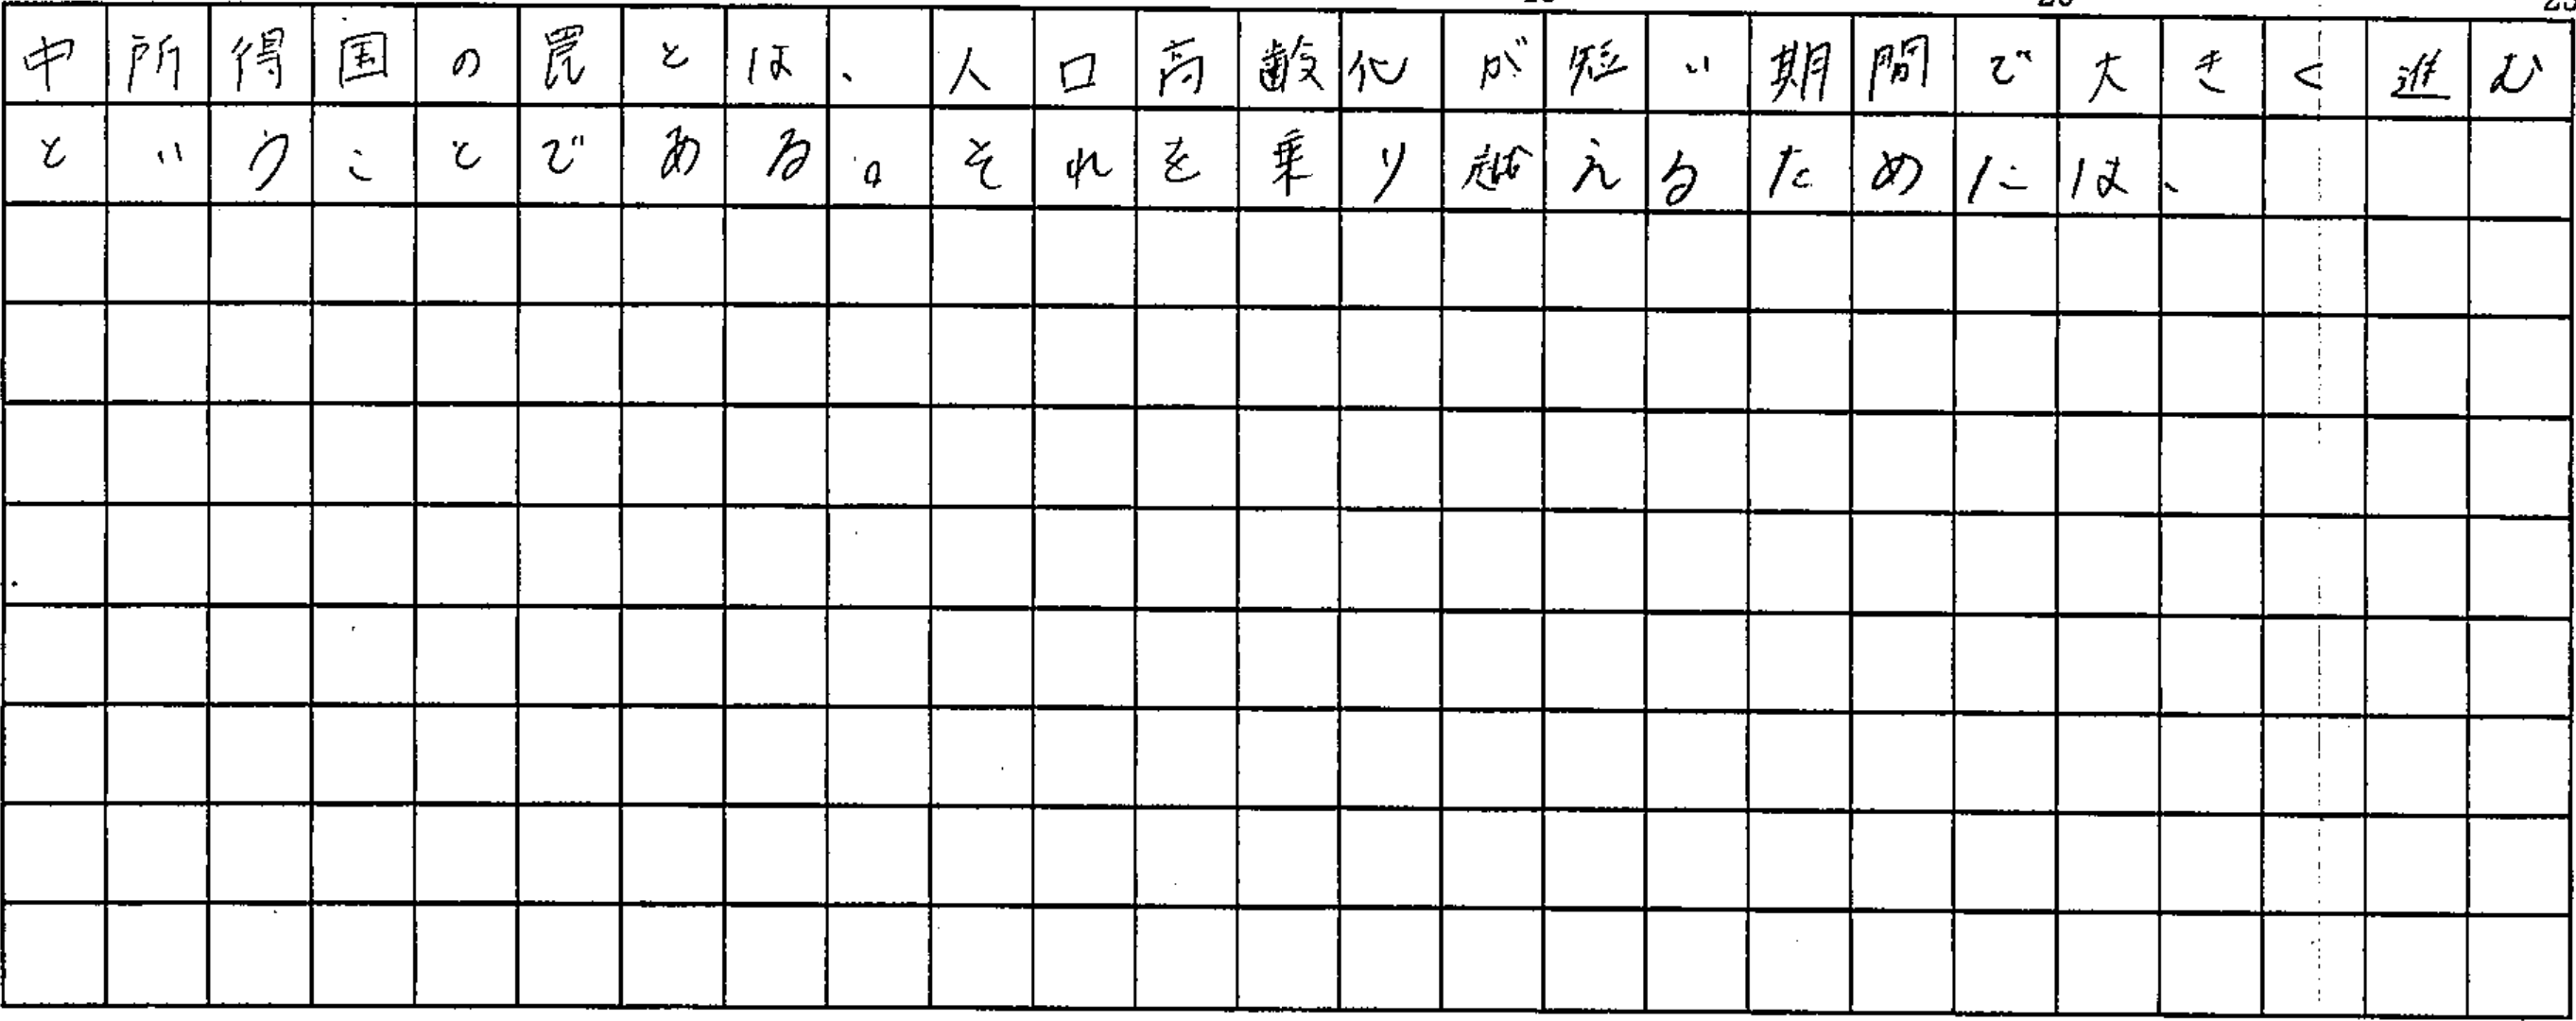中所得国の罠とは、人口高齢化が短い期間で大きく進むということである。それを乗り越えるためには、
